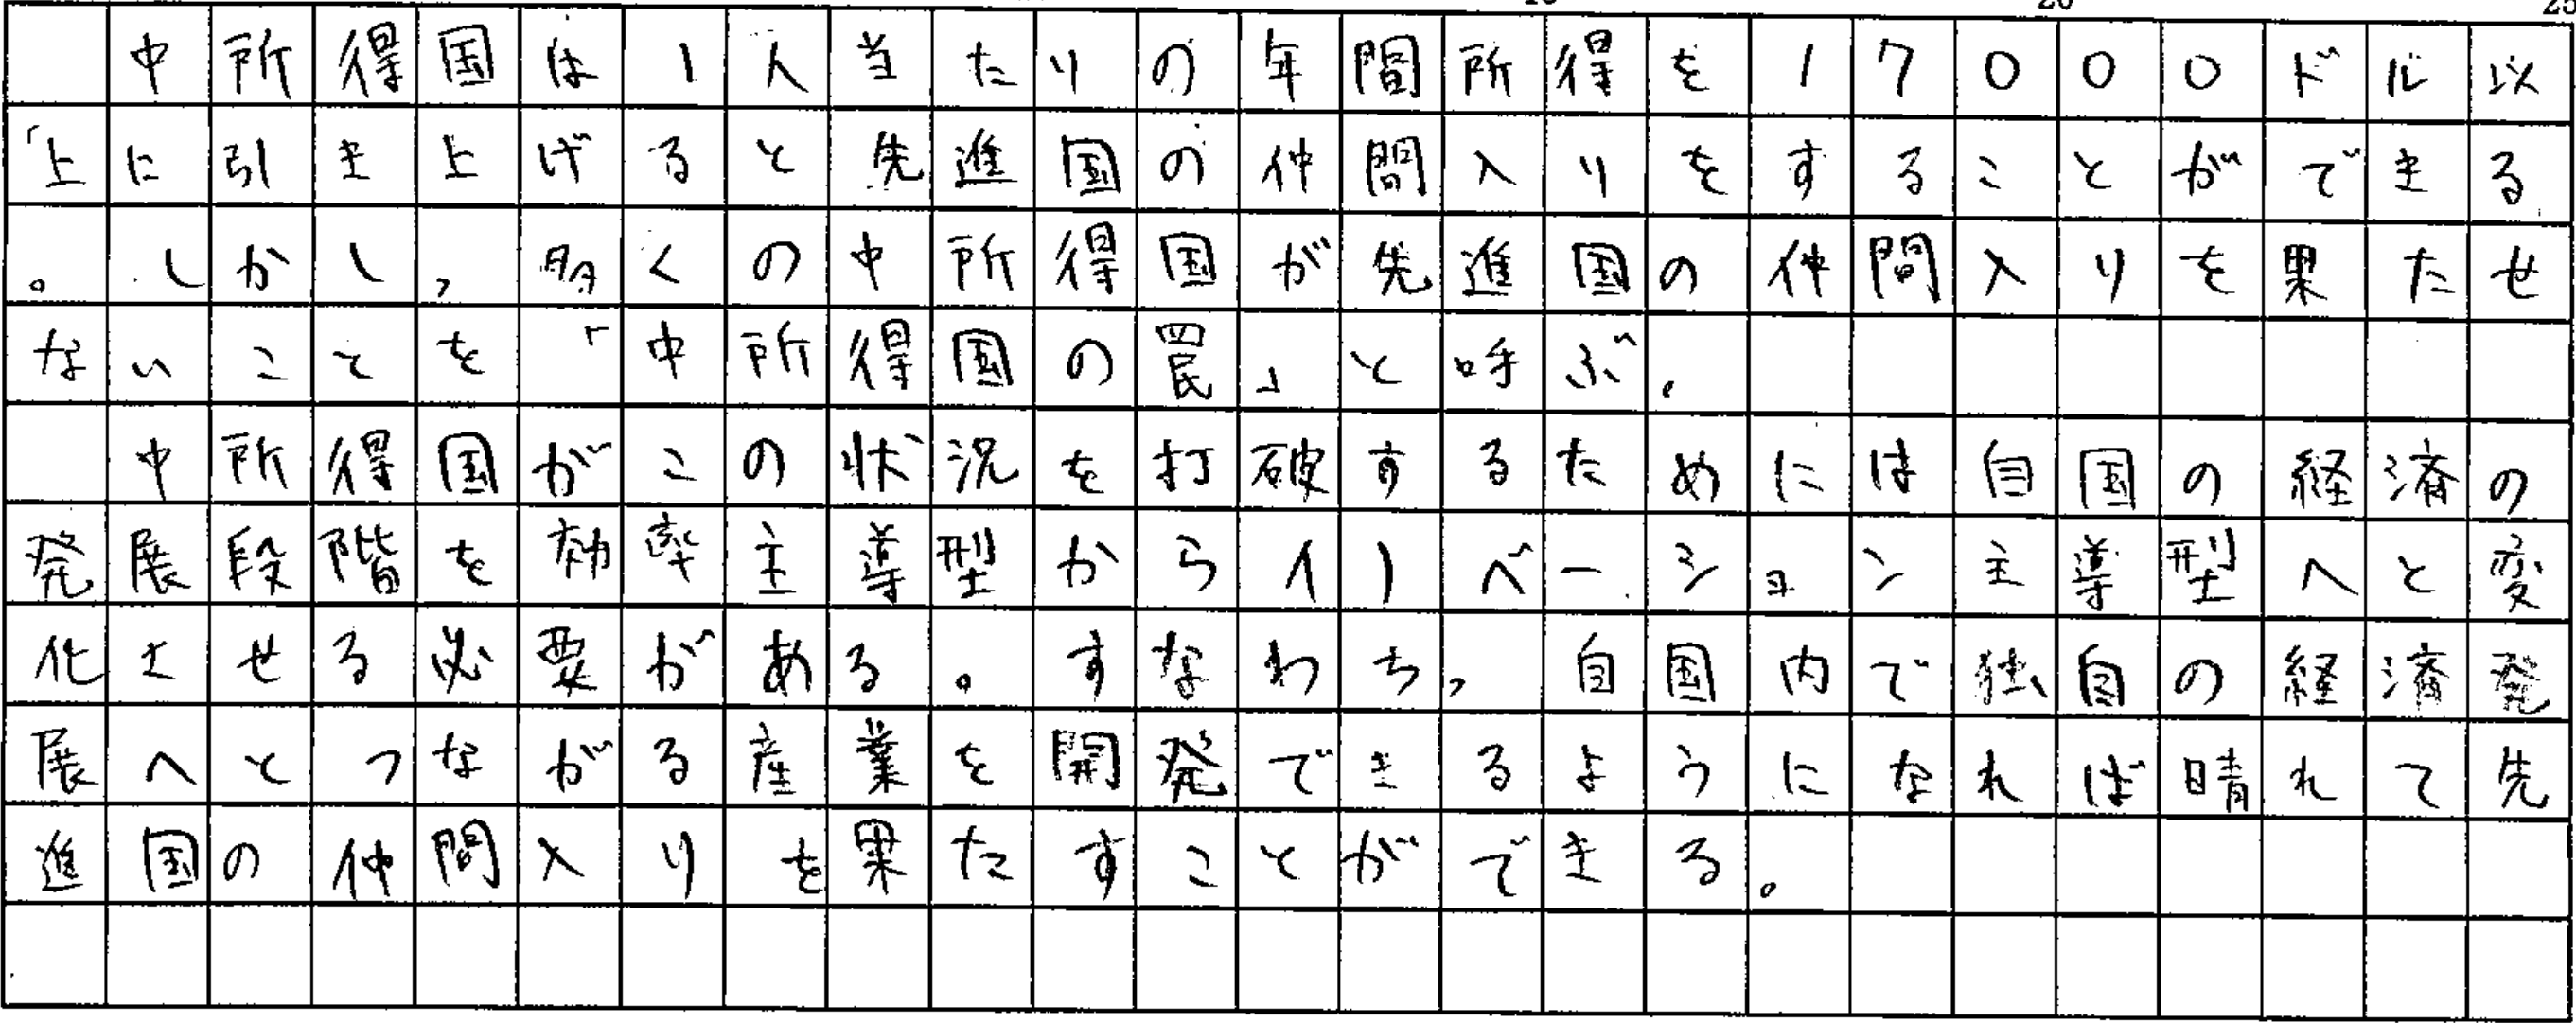　中所得国は１人当たりの年間所得を１７０００ドル以上に引き上げると先進国の仲間入りをすることができる。しかし，多くの中所得国が先進国の仲間入りを果たせないことを「中所得国の罠」と呼ぶ。
　中所得国がこの状況を打破するためには自国の経済の発展段階を効率主導型からイノベーション主導型へと変化させる必要がある。すなわち，自国内で独自の経済発展へとつながる産業を開発できるようになれば晴れて先進国の仲間入りを果たすことができる。
